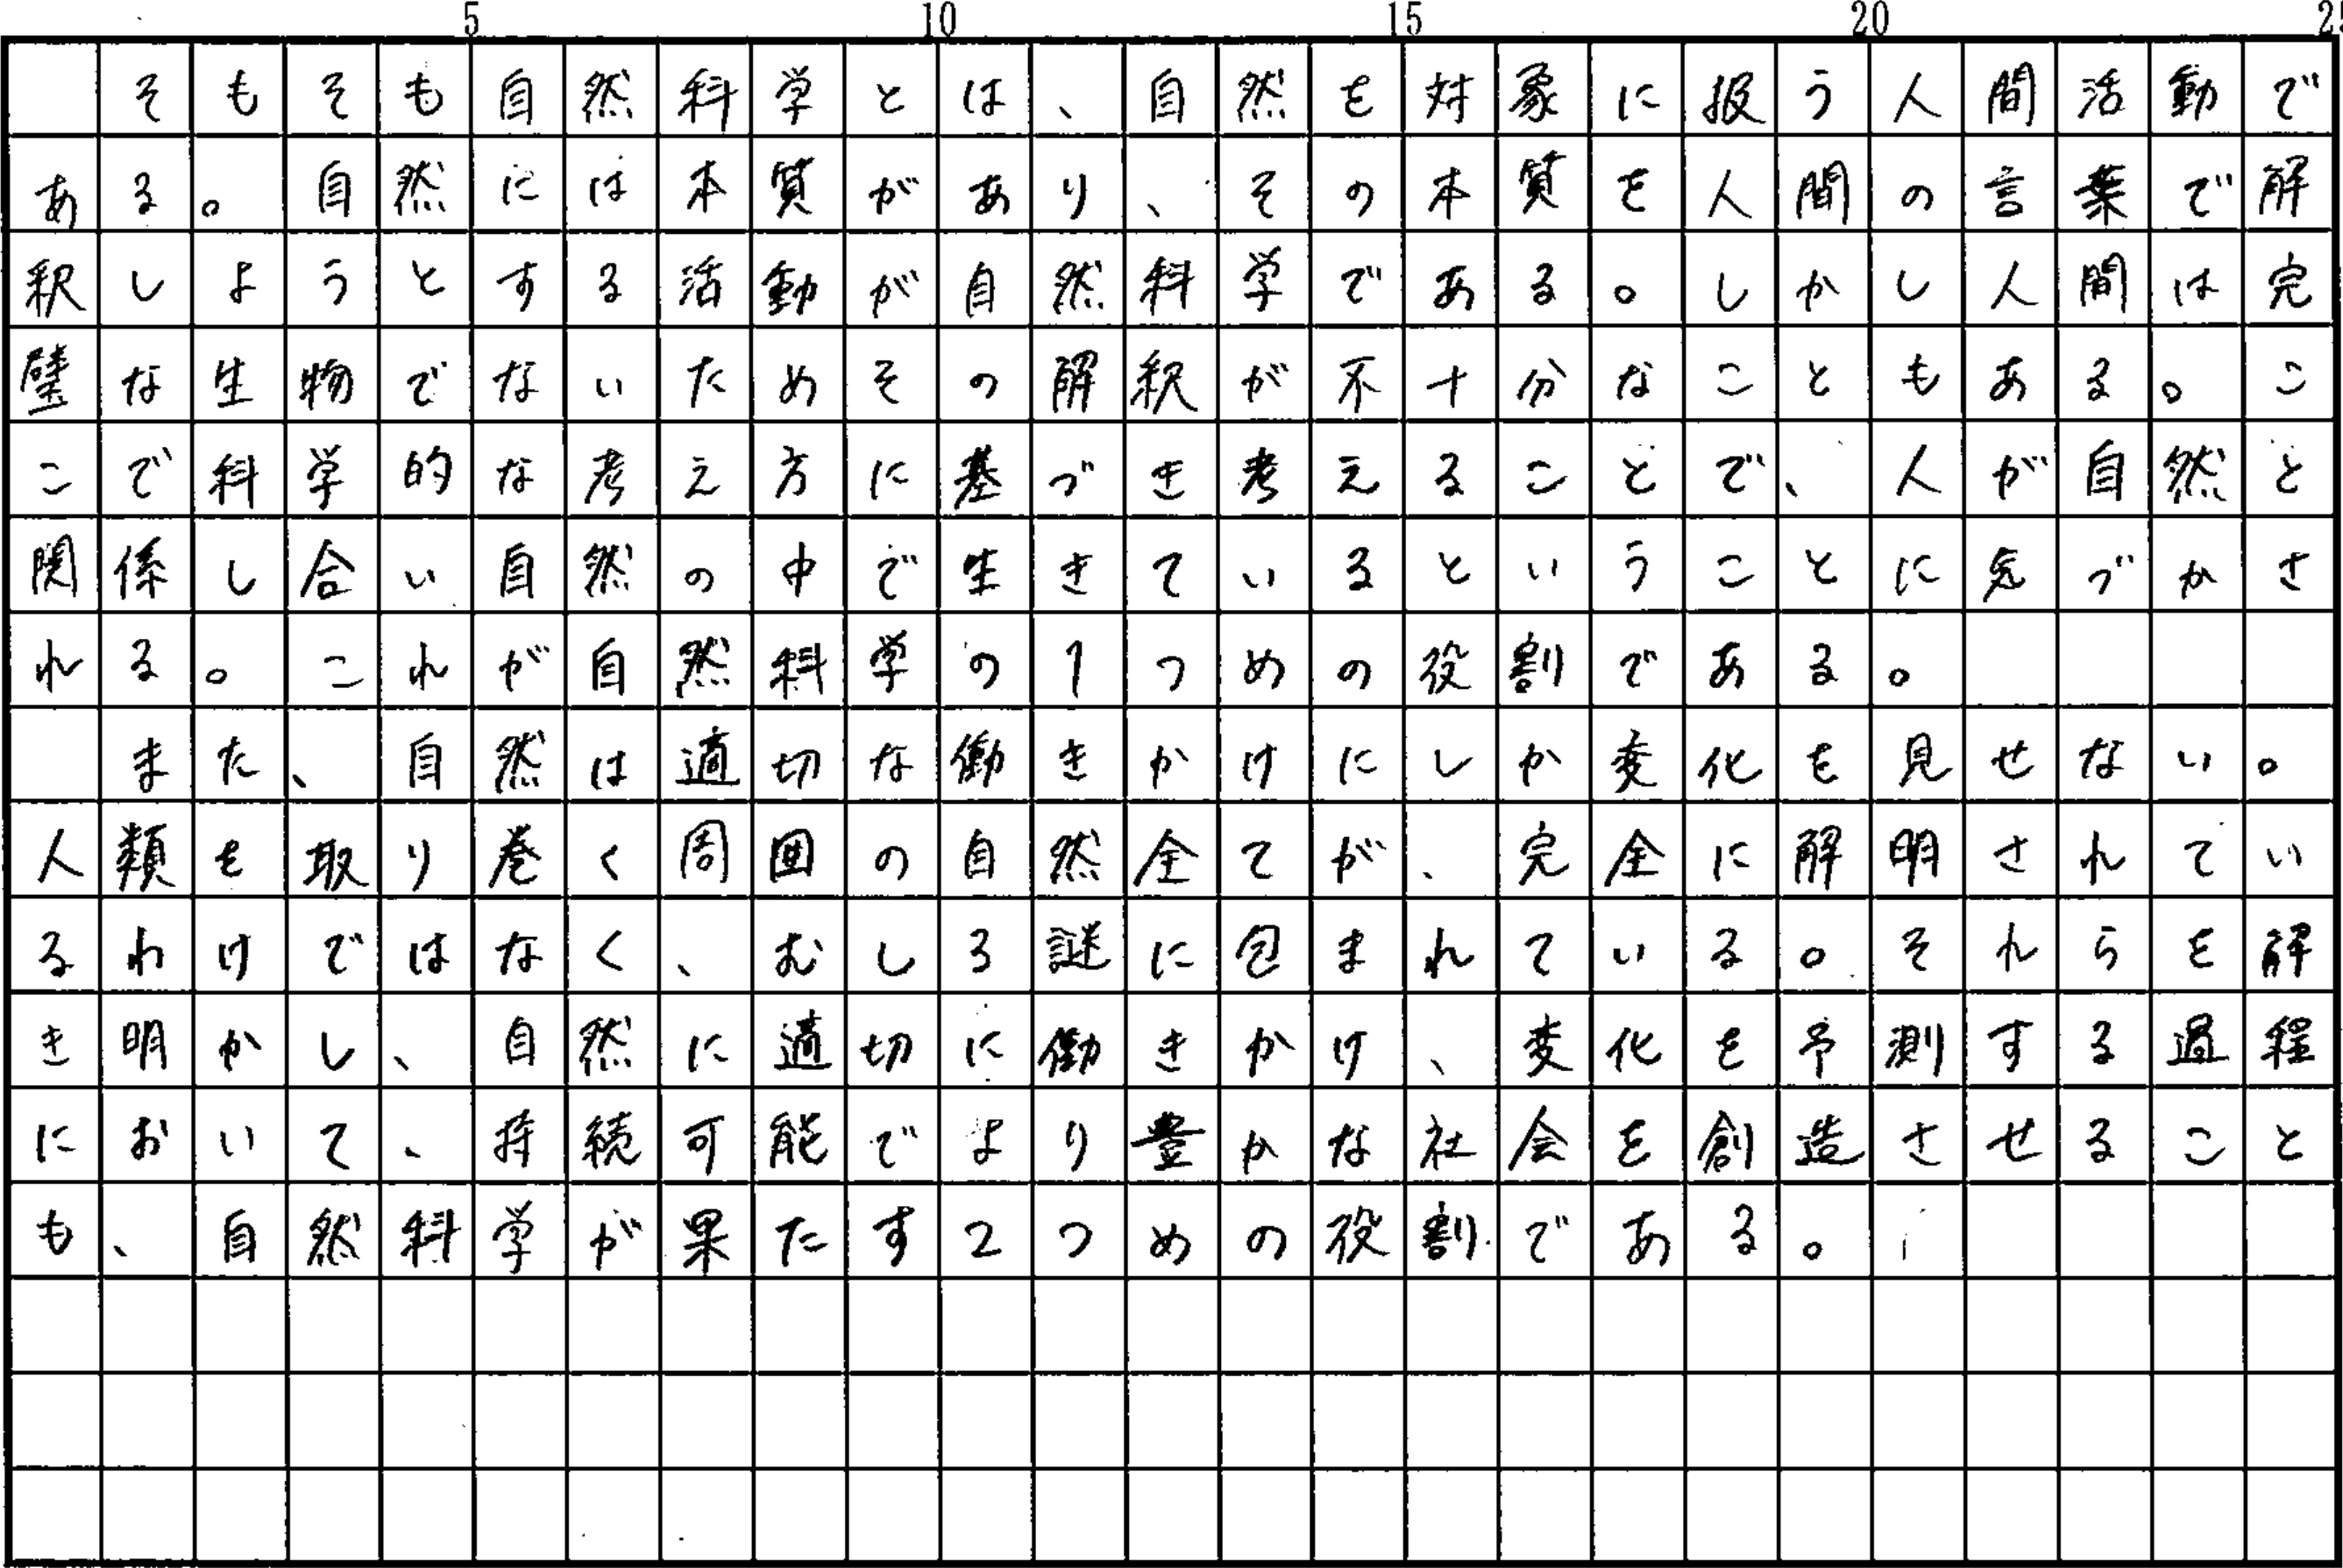　そもそも自然科学とは、自然を対象に扱う人間活動である。自然には本質があり、その本質を人間の言葉で解釈しようとする活動が自然科学である。しかし人間は完璧な生物でないためその解釈が不十分なこともある。ここで科学的な考え方に基づき考えることで、人が自然と関係し合い自然の中で生きているということに気づかされる。これが自然科学の１つめの役割である。
　また、自然は適切な働きかけにしか変化を見せない。人類を取り巻く周囲の自然全てが、完全に解明されているわけではなく、むしろ謎に包まれている。それらを解き明かし、自然に適切に働きかけ、変化を予測する過程において、持続可能でより豊かな社会を創造させることも、自然科学が果たす２つ目の役割である。
